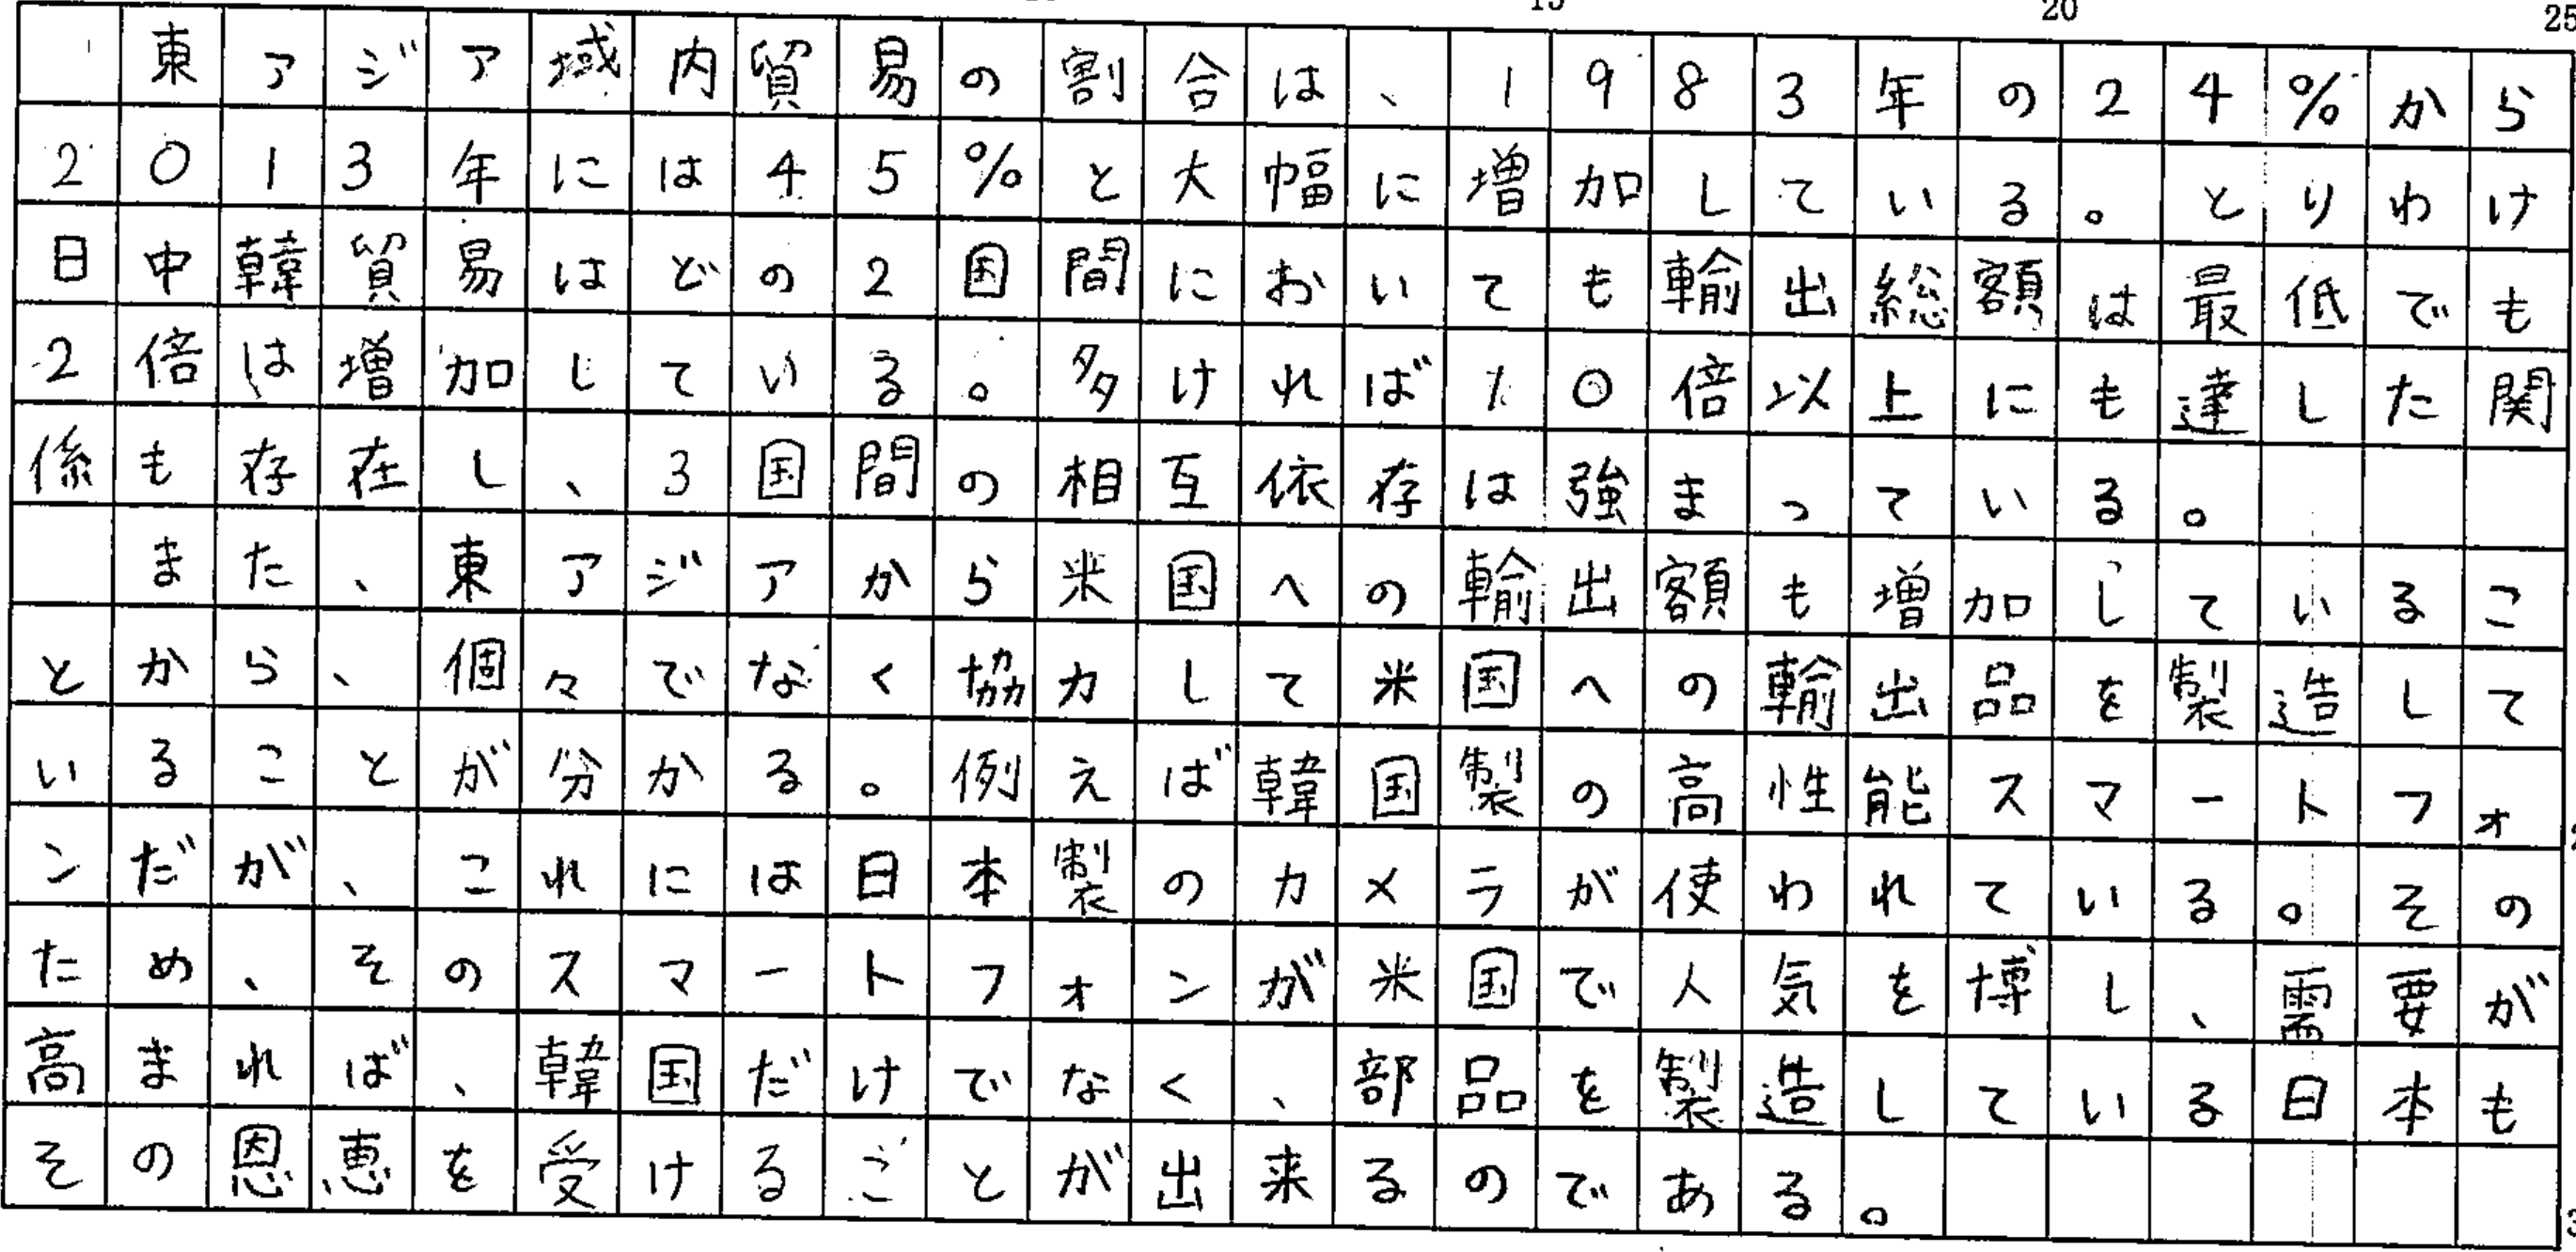　東アジア域内貿易の割合は、１９８３年の２４％から２０１３年には４５％と大幅に増加している。とりわけ日中韓貿易はどの２国間においても輸出総額は最低でも２倍は増加している。多ければ１０倍以上にも達した関係も存在し、３国間の相互依存は強まっている。
　また、東アジアから米国への輸出額も増加していることから、個々でなく協力して米国への輸出品を製造していることが分かる。例えば韓国製の高性能スマートフォンだが、これには日本製のカメラが使われている。そのため、そのスマートフォンが米国で人気を博し、需要が高まれば、韓国だけでなく、部品を製造している日本もその恩恵を受けることが出来るのである。
